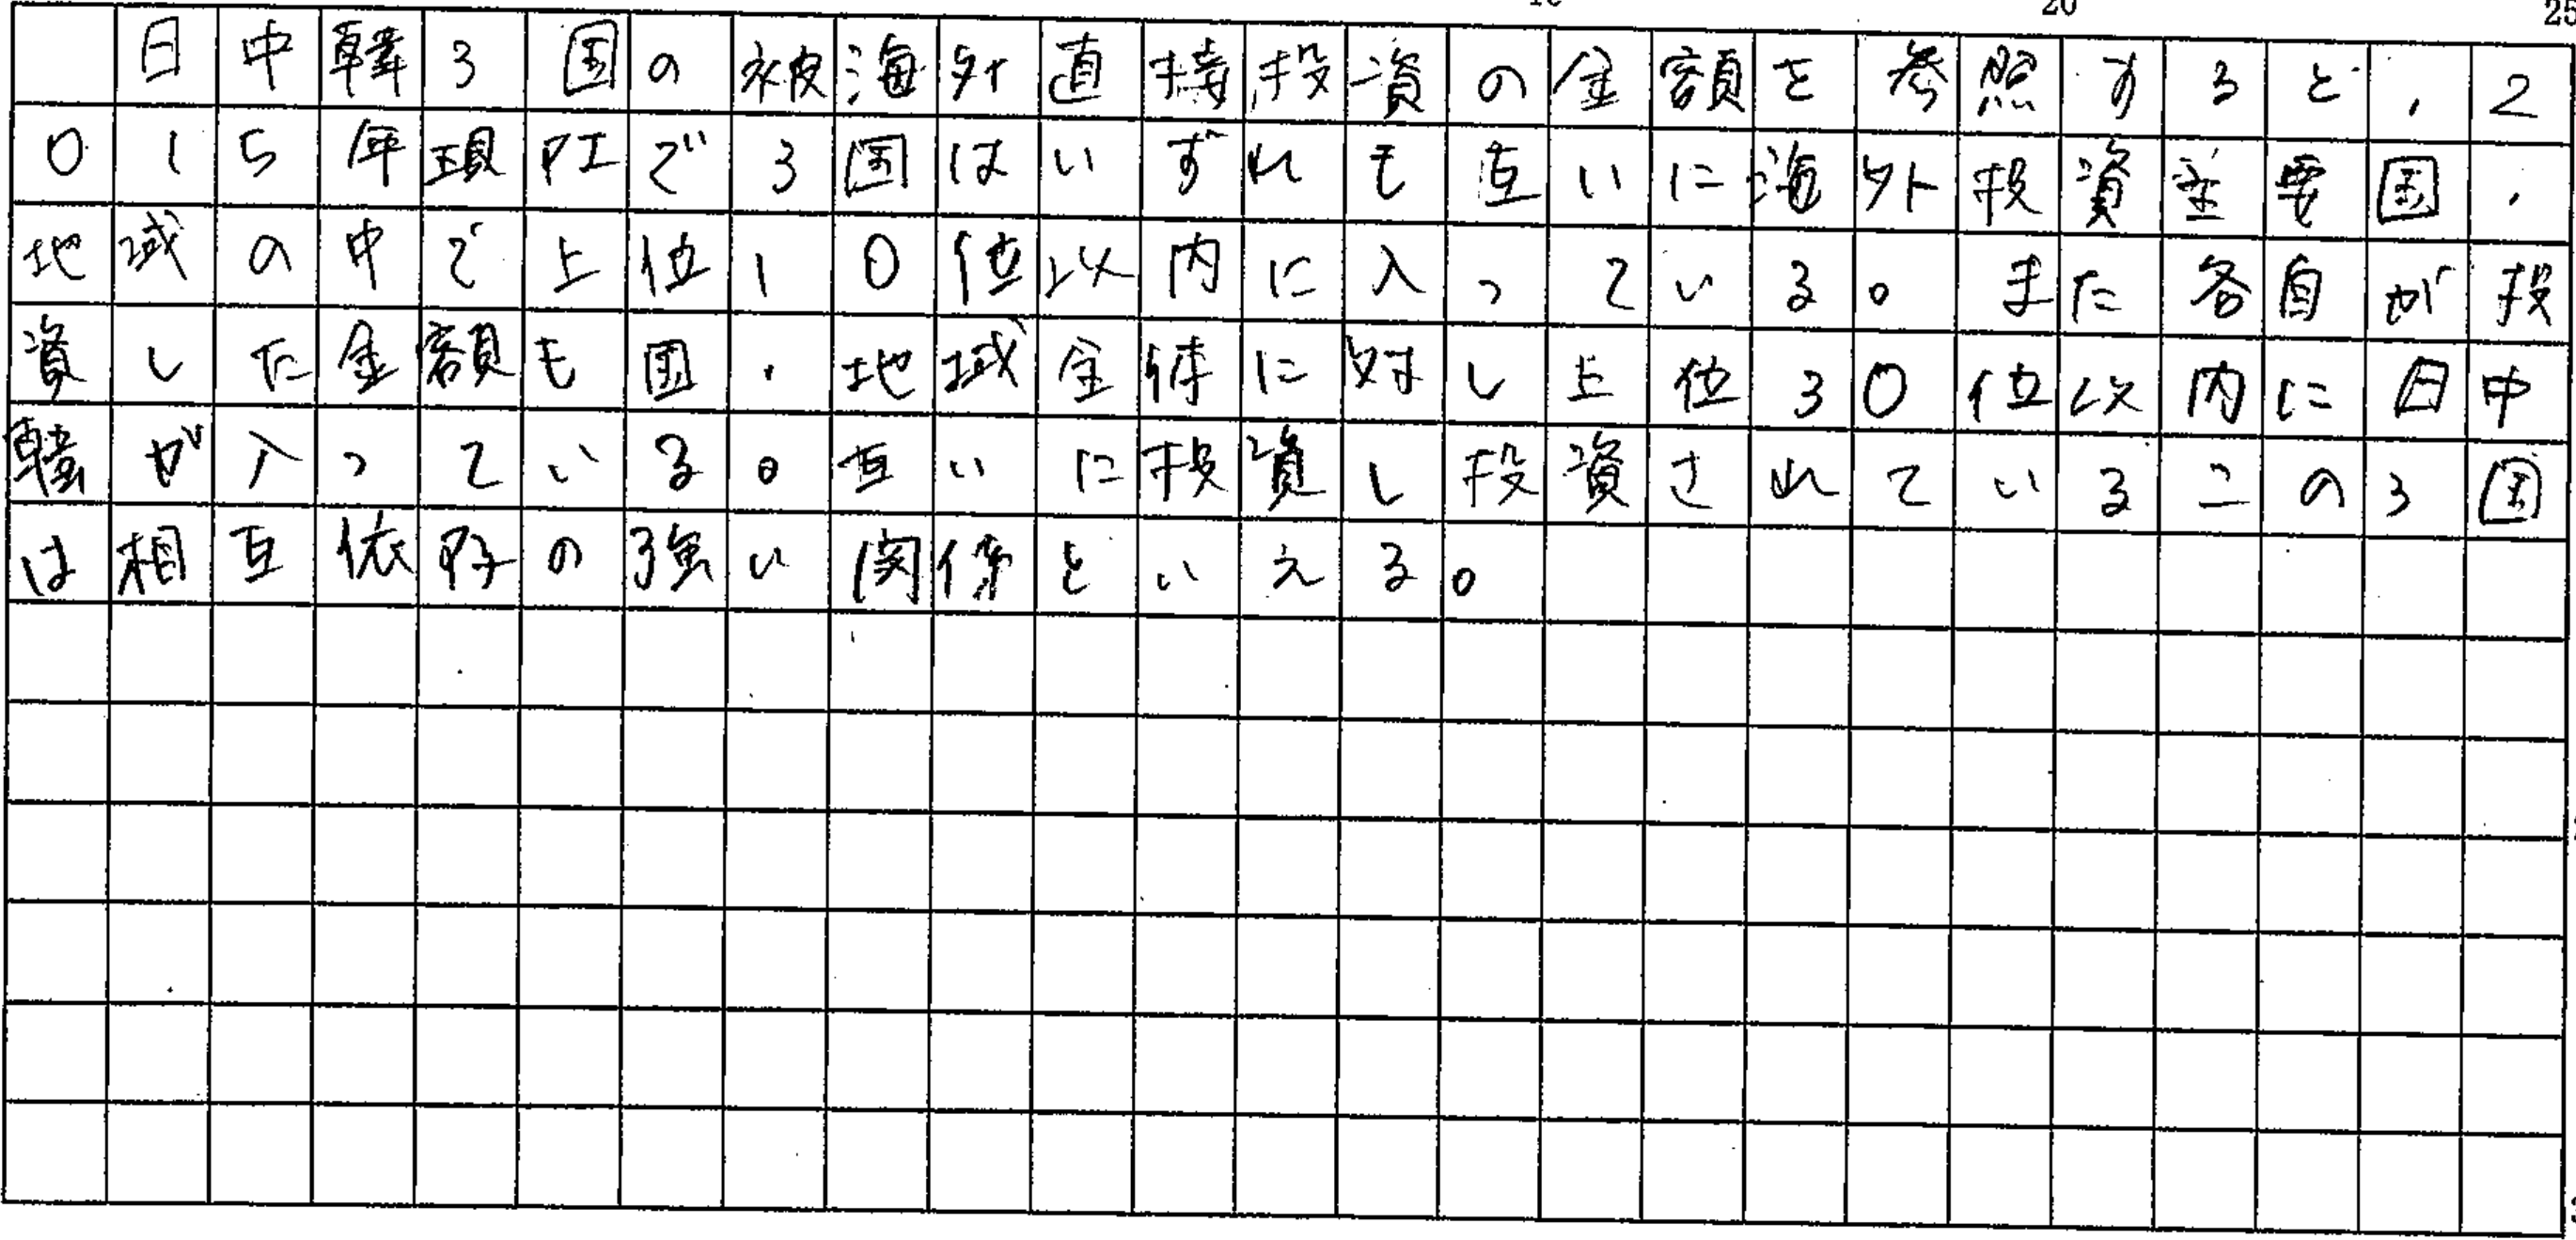　日中韓３国の被海外直接投資の金額を参照すると，２０１５年現▁で３国はいずれも互いに海外投資主要国・地域の中で上位１０位以内に入っている。また各自が投資した金額も国・地域全体に対し上位３０位以内に日中韓が入っている。互いに投資し投資されているこの３国は相互依存の強い関係といえる。
